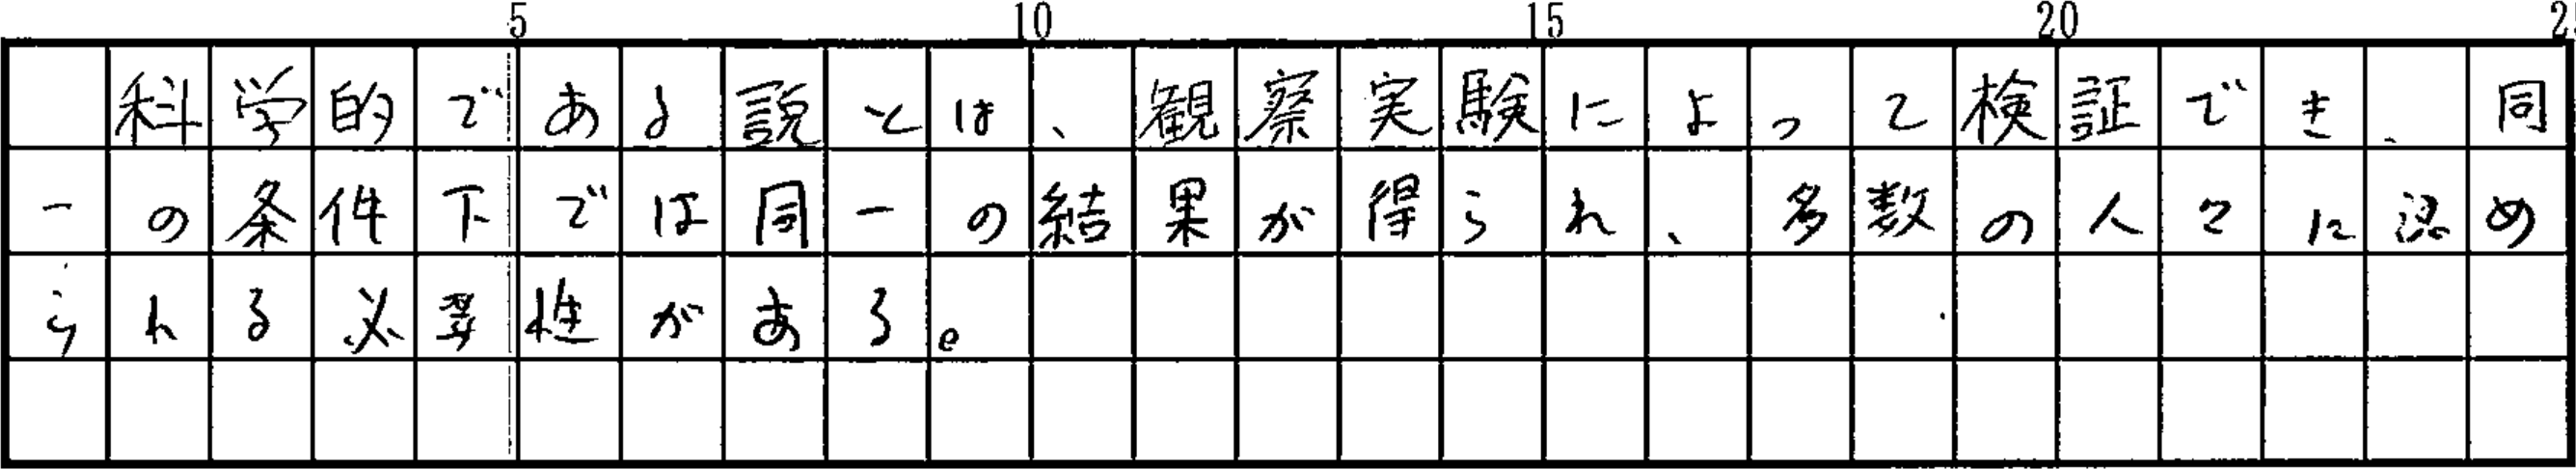　科学的である説とは、観察実験によって検証でき、同一の条件下では同一の結果が得られ、多数の人々に認められる必要性がある。
